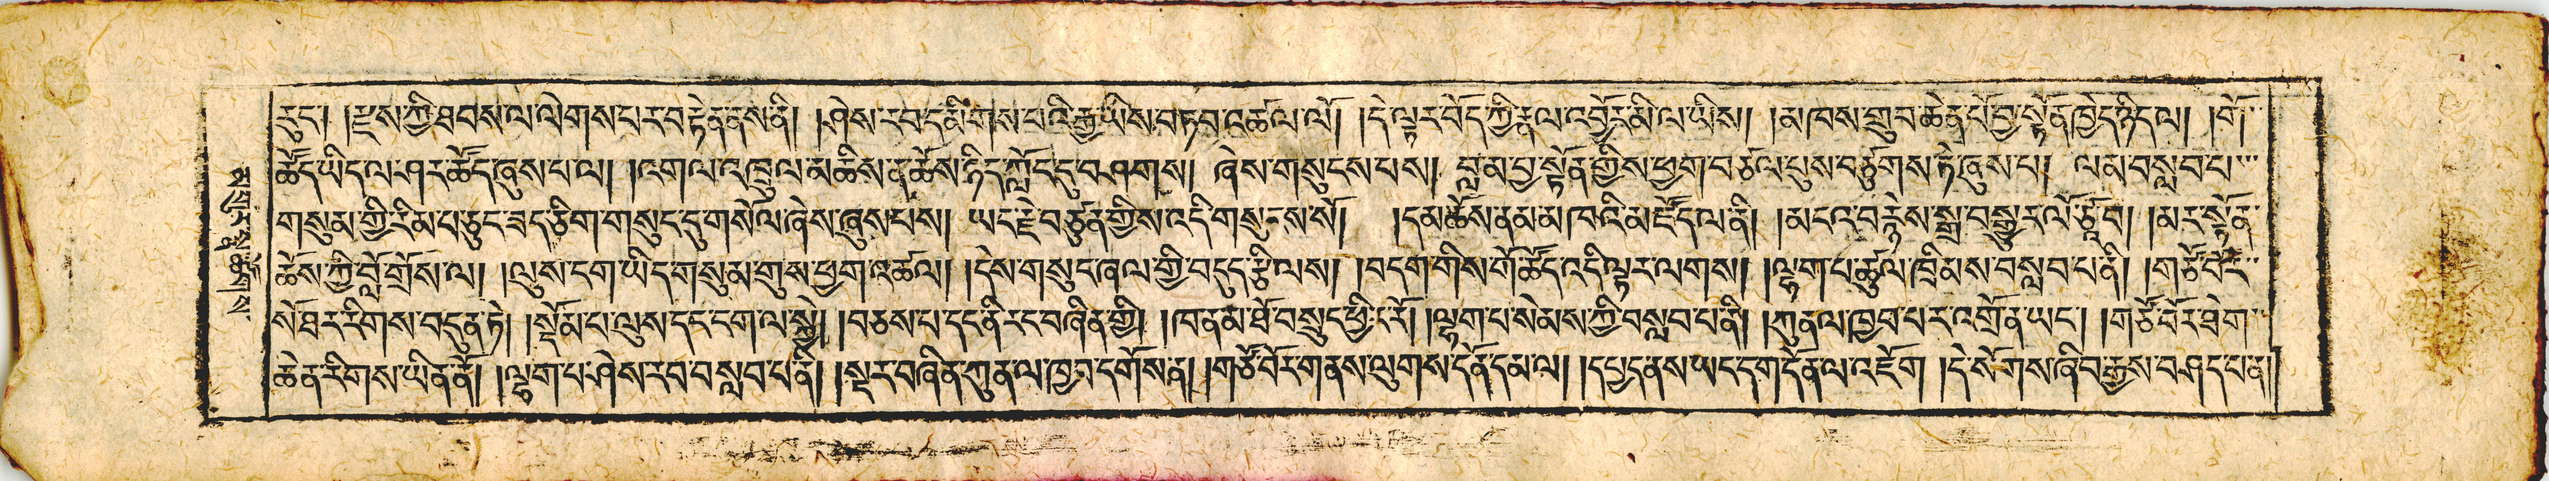རུང་། །རྫས་ཀྱི་ཐབས་ལ་ལེགས་པར་བརྟེན་ནས་ནི། །ཤེས་རབ་དམིགས་པའི་རྒྱ་ཡིས་བཏབ་འཚལ་ལོ། །དེ་ལྟར་བོད་ཀྱི་རྣལ་འབྱོར་མི་ལ་ཡིས། །མཁས་གྲུབ་ཆེན་པོ་བྱ་སྟོན་ཁྱེད་ཉིད་ལ། །གོ་
ཚོད་ཡིད་ལ་ཤར་ཚོད་ཞུས་པ་ལ། །འགལ་འཁྲུལ་མཆིས་ན་ཆོས་ཉིད་ཀློང་དུ་བཤགས། ཞེས་གསུངས་པས། བླ་མ་བྱ་སྟོན་གྱིས་ཕྱག་བཙལ་པུས་བཙུགས་ཏེ་ཞུས་པ། ལམ་བསླབ་པ་
གསུམ་གྱི་རིམ་པ་ཅུང་ཟད་ཅིག་གསུང་དུ་གསོལ། །ཞེས་ཞུས་པས། ཡང་རྗེ་བཙུན་གྱིས་འདི་གསུངས་སོ། །དམ་ཆོས་ནམ་མཁའི་མཛོད་ལ་ནི། །མངའ་བརྙེས་སྒྲ་བསྒྱུར་ལོ་ཙཱ་བ། །མར་སྟོན་
ཆོས་ཀྱི་བློ་གྲོས་ལ། །ལུས་ངག་ཡིད་གསུམ་གུས་ཕྱག་འཚལ། །དེས་གསུང་ཞལ་གྱི་བདུད་རྩི་ལས། །བདག་གིས་གོ་ཚོད་འདི་ལྟར་ལགས། །ལྷག་པ་ཚུལ་ཁྲིམས་བསླབ་པ་ནི། །གཙོ་བོར་
སོ་ཐར་རིགས་བདུན་ཏེ། །སྡོམ་པ་ལུས་དང་ངག་ལ་སྐྱེ། །བཅས་པ་དང་ནི་རང་བཞིན་གྱི། །ཁ་ན་མ་ཐོ་བསྲུང་ཕྱིར་རོ། །ལྷག་པ་སེམས་ཀྱི་བསླབ་པ་ནི། །ཀུན་ལ་ཁྱབ་པར་འགྲོ་ན་ཡང་། །གཙོ་བོར་ཐེག་
ཆེན་རིགས་ཡིན་ནོ། །ལྷག་པ་ཤེས་རབ་བསླབ་པ་ནི། །སྔར་བཞིན་ཀུན་ལ་ཁྱབ་དགོས་ན། །གཙོ་བོར་གནས་ལུགས་དོན་དམ་ལ། །དཔྱདནས་ཡང་དག་དོན་ལ་འཇོག །དེ་སོགས་ཞིབ་རྒྱས་བཤད་པ་ན། །